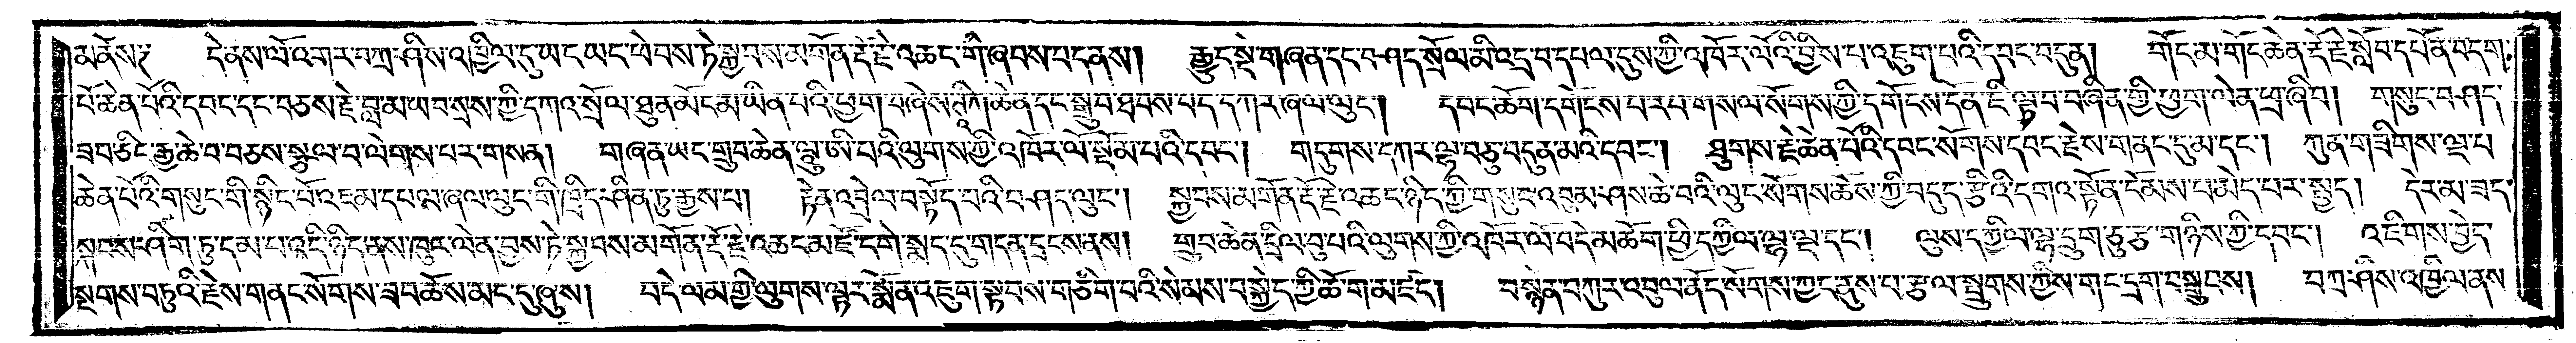མནོས༑ དེ་ནས་ལོ་འགར་བཀྲ་ཤིས་འཁྱིལ་དུ་ཡང་ཡང་ཕེབས་ཏེ་སྐྱབས་མགོན་རྡོ་རྗེ་འཆང་གི་ཞབས་བས་ནས། རྒྱུད་སྡེ་གཞན་དང་བཤད་སྲོལ་མི་འདྲ་བ་དཔལ་དུས་ཀྱི་འཁོར་ལོའི་བྱིས་པ་འཇུག་པའི་དབང་བདུན། གོང་མ་གོང་ཆེན་རྡོ་རྗེ་སློབ་དཔོན་བདག་
པོ་ཆེན་པོའི་དབང་དང་བཅས་རྗེ་བླ་མ་ཡབ་སྲས་ཀྱི་དཀའ་སྲོལ་ཐུན་མོང་མ་ཡིན་པའི་ཕྱག་བཞེས་ཊཱིཀ་ཆེན་དང་སྒྲུབ་ཐབས་པད་དཀར་ཞལ་ལུང་། དབང་ཆོག་དགོངས་པ་རབ་གསལ་སོགས་ཀྱི་དགོངས་དོན་ཇི་ལྟ་བ་བཞིན་གྱི་ཕྱག་ལེན་ཕྲ་ཞིབ། གསུང་བཤད་
ཟབ་ཅིང་རྒྱ་ཆེ་བ་བཅས་སྩལ་བ་ལེགས་པར་གསན། གཞན་ཡང་གྲུབ་ཆེན་ལཱུ་ཨི་བའི་ལུགས་ཀྱི་འཁོར་ལོ་སྡོམ་པའི་དབང་། གདུགས་དཀར་ལྷ་བཅུ་བདུན་མའི་དབང་། ཐུགས་རྗེ་ཆེན་པོའི་དབང་སོགས་དབང་རྗེས་གནང་དུ་མ་དང་། ཀུན་གཟིགས་ལྔ་པ་
ཆེན་པོའི་གསུང་གི་སྙིང་པོ་འཇམ་དཔལ་ཞལ་ལུང་གི་ཁྲིད་ཤིན་ཏུ་རྒྱས་པ། རྟེན་འབྲེལ་བསྟོད་བའི་བཤད་ལུང་། སྐྱབས་མགོན་རྡོ་རྗེ་འཆང་ཉིད་ཀྱི་གསུང་འབུམ་ཤས་ཆེ་བའི་ལུང་སོགས་ཆོས་ཀྱི་བདུད་རྩིའི་དགའ་སྟོན་དོམས་པ་མེད་པར་སྤྱད། དེར་མ་ཟད་
སྐབས་ཤིག་ཏུ་དམ་པ་འདི་ཉིད་ནས་ཁུར་ལེན་བྱས་ཏེ་སྐྱབས་མགོན་རྡོ་རྗེ་འཆང་མཛོ་དགེ་སྨད་དུ་གདན་དྲངས་ནས། གྲུབ་ཆེན་རིལ་བུ་པའི་ལུགས་ཀྱི་འཁོར་ལོ་བདེ་མཆྒོ་ཕྱི་དཀྱིལ་ལྷ་ལྔ་དང་། ལུས་དཀྱིལ་ལྷ་དྲུག་ཅུ་རྩ་གཉིས་ཀྱི་དབང་། འཇིགས་བྱེད་
སྔགས་བཏུའི་རྗེས་གནང་སོགས་ཟབ་ཆོས་མང་དུ་ཞུས། བདེ་ལམ་གྱི་ལུགས་ལྟར་སྨོན་འཛུག་སྟབས་གཅིག་བའི་སེམས་བསྐྱེད་ཀྱི་ཆོ་ག་མཛད། བསྙེན་བཀུར་འབུལ་ནོད་སོགས་ཀྱང་ནུས་པ་རྩལ་སྤྲུགས་ཀྱིས་གང་དྲག་བསྒྲུབས། བཀྲ་ཤིས་འཁྱིལ་ནས་